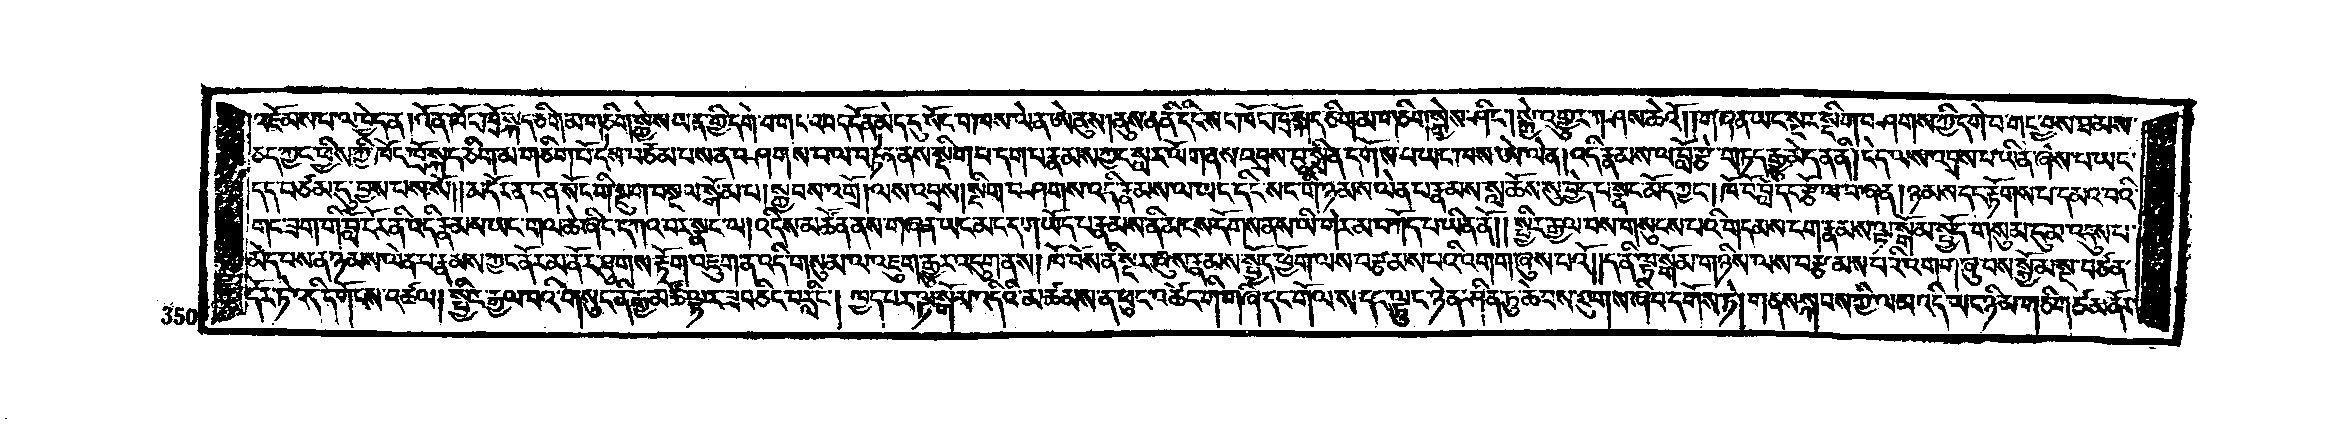འཇོམས་པ་ལ་བྱེད་ན། འོ་ན་ཁོང་ཁྲོ་སྐད་ཅིག་མ་གཅིག་སྐྱེས་ཡན་གྱི་དགེ་བ་གང་འབད་དོན་མེད་དུ་སོང་བ་ཁས་ལེན་ཨེ་ནུས། ནུས་ན་ནི་དིང་སང་ཁོང་ཁྲོ་སྐད་ཅིག་མ་གཅིག་སྐྱེས་ཤིང་། སྐྱེ་འགྱུར་ཀ་ཤས་ཆེའོ། །གཞན་ཡང་སྔར་སྡིག་བཤགས་ཀྱི་དགེ་བ་གང་བྱས་ཐམས་
ཅད་ཀྱང་ཕྱིས་ཀྱི་ཁོང་ཁྲོ་སྐད་ཅིག་མ་གཅིག་པོ་དེས་བཅོམ་པས་ན་བཤགས་པ་ལ་བརྟེན་ནས་སྡིག་པ་དག་པ་རྣམས་ཀྱང་སླར་ལོག་ནས་འབྲས་བུ་སྨིན་དགོས་པ་ཡང་ཁས་ཨེ་ལེན། འདི་རྣམས་ལ་བློ་རྩེ་གཏད་རྒྱུ་མེད་ན་ནི། དེད་ལས་འབྲས་པ་ཡིན་ཞེས་པ་ཡང་
དད་པ་ཙམ་དུ་བྱས་པས་སོ། །མདོར་ན་ངན་སོང་གི་སྡུག་བསྔལ་སྒོམ་པ། སྐྱབས་འགྲོ། ལས་འབྲས། སྡིག་བཤགས་འདི་རྣམས་ལ་ཡང་དིང་སང་གི་ཉམས་ལེན་པ་རྣམས་སླ་ཆོས་སུ་བྱེད་པ་སྣང་མོད་ཀྱང་། ཁོ་བོ་བློ་དང་རྩོལ་བ་ཞན། ཉམས་དང་རྟོགས་པ་དམའ་བའི་
གང་ཟག་གི་བློ་ངོར་ནི་འདི་རྣམས་ཡང་གལ་ཆེ་ཞིང་དཀའ་བར་སྣང་ལ། འདིས་མཚོན་ནས་གཞན་ཡང་མང་དག་ཡོད་པ་རྣམས་ནི་མངས་དོགས་ནས་ཡི་གེར་མ་བཀོད་པ་ཡིན་ནོ། །སྤྱིར་རྒྱལ་བས་གསུངས་པའི་གདམས་ངག་རྣམས་ལྟ་སྒོམ་སྤྱོད་གསུམ་དུ་མ་འདུས་པ་
མེད་པས་ན་ཉམས་ལེན་པ་རྣམས་ཀྱང་ནོར་མ་ནོར་ཐུགས་རྟོག་འཇུག་ན་འདི་གསུམ་ལ་འཇུག་རྒྱུར་འདུག་ནས། ཁོ་བོས་ནི་སྔར་ཞུས་རྣམས་སྤྱོད་ཕྱོག་ལས་བརྩམས་པའི་འགག་ཞུས་པའོ། །ད་ནི་ལྟ་སྒོམ་གཉིས་ལས་བརྩམས་པའི་འགག་ཞུ་བས་སྐྱོ་མ་སྔ་བཙན་
དོར་ཏེ་འདི་དགོངས་འཚལ། སྤྱིར་རྒྱལ་བའི་གསུང་ནི་རྒྱ་མཚོ་ལྟར་ཟབ་ཅིང་བརླིང་། ཁྱད་པར་ལྟ་སྒོམ་འདིའི་མཚམས་ན་ཕུང་འཚེང་གི་གཞི་དང་གོལ་ས་དང་ལྟུང་ཉེན་ཤིན་ཏུ་ཆེ་བས་ཐུགས་ཞིབ་དགོས་ཏེ། གནས་སྐབས་ཀྱི་ལམ་འདི་ཡང་ཉི་མ་གཅིག་ཙམ་ནོར་